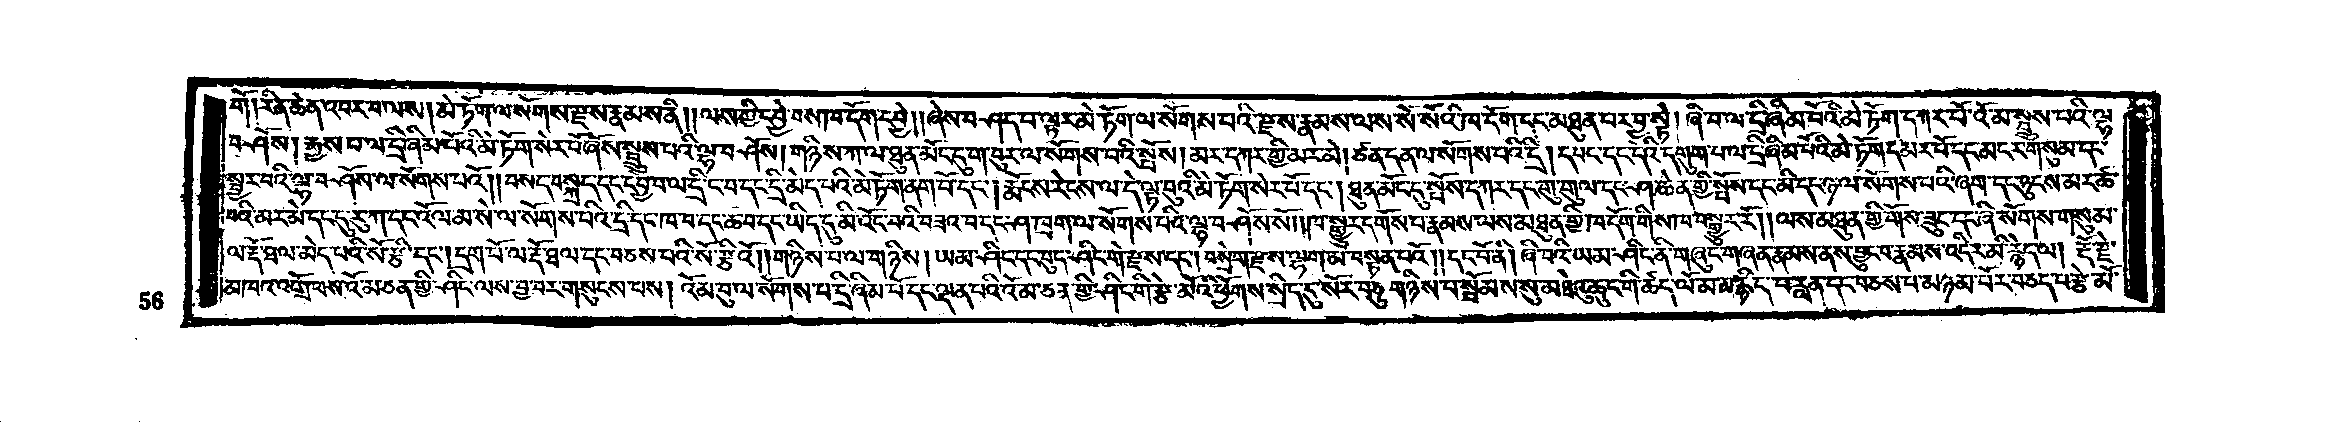གོ། རིན་ཆེན་འབར་བ་ལས། མེ་ཏོག་ལ་སོགས་རྫས་རྣམས་ནི། །ལས་ཀྱི་དབྱེ་བས་ཁ་དོག་དབྱེ། །ཞེས་བཤད་པ་ལྟར་མེ་ཏོག་ལ་སོགས་པའི་རྫས་རྣམས་ལས་སོ་སོའི་ཁ་དོག་དང་མཐུན་པར་བྱ་སྟེ། ཞི་བ་ལ་དྲི་ཞིམ་པོའི་མེ་ཏོག་དཀར་པོ་འོ་མ་སྦྲུས་པའི་ལྷ་
བཤོས། རྒྱས་པ་ལ་དྲི་ཞིམ་པོའི་མེ་ཏོག་སེར་པོ་ཞོས་སྦྲུས་པའི་ལྷ་བཤོས། གཉིས་ཀ་ལ་ཐུན་མོང་དུ་ག་བུར་ལ་སོགས་པའི་སྤོས། མར་དཀར་གྱི་མར་མེ། ཙན་དན་ལ་སོགས་པའི་དྲི། དཔང་དང་དེའི་དགུག་པ་ལ་དྲི་ཞིམ་པོའི་མེ་ཏོག་དམར་པོ་དང་མངར་གསུམ་དང་
སྦྱར་བའི་ལྷ་བཤོས་ལ་སོགས་པའོ། །བསད་བསྐྲད་དང་དབྱེ་བ་ལ་དྲི་ང་བ་དང་དྲི་མེད་པའི་མེ་ཏོག་ནག་པོ་དང་། རྨོངས་རེངས་ལ་དེ་ལྟ་བུའི་མེ་ཏོག་སེར་པོ་དང་། ཐུན་མོང་དུ་སྤོས་དཀར་དང་གུ་གུལ་དང་ཤ་ཆེན་གྱི་སྤོས་དང་མི་དང་ཉ་ལ་སོགས་པའི་ཞག་དང་ཉུངས་མར་ཚ་
བའི་མར་མེ་དང་དུ་རུ་ཀ་དང་འོལ་མ་སེ་ལ་སོགས་པའི་དྲི་དང་ཁ་བ་དང་ཚ་བ་དང་ཡིད་དུ་མི་འོང་བའི་བཟའ་བ་དང་ཤ་ཁྲག་ལ་སོགས་པའི་ལྷ་བཤོས་སོ། །ཁ་སྒྱུར་དགོས་པ་རྣམས་ལས་མཐུན་གྱི་ཁ་དོག་གིས་ཁ་བསྒྱུར་རོ། །ལས་མཐུན་གྱི་གོས་ཟུང་དང་ཞི་སོགས་གསུམ་
ལ་རྡོ་ཐལ་མེད་པའི་སོ་རྩི་དང་། དྲག་པོ་ལ་རྡོ་ཐལ་དང་བཅས་པའི་སོ་རྩིའོ། །གཉིས་པ་ལ་གཉིས། ཡམ་ཤིང་དང་བུད་ཤིང་གེ་རྫས་དང་། བསྲེག་རྫས་ལྷག་མ་བསྟན་པའོ། །དང་པོ་ནི། ཞི་བའི་ཡམ་ཤིང་ནི་གཞུང་གཞན་རྣམས་ནས་བྱུང་བ་རྣམས་འདིར་མི་རྙེད་ལ། རྡོ་རྗེ་
མཁའ་འགྲོ་ལས་འོ་མ་ཅན་གྱི་ཤིང་ལས་བྱ་བར་གསུངས་པས། འོ་མ་བུ་ལ་སོགས་པ་དྲི་ཞིམ་པོ་དང་ལྡན་པའི་འོ་མ་ཅན་གྱི་ཤིང་གི་རྩེ་མོའི་ཕྱོགས་སྲིད་དུ་སོར་བཅུ་གཉིས་པ་སྦོམས་སུ་མཐེའུ་ཆུང་གི་ཚད་ལོ་མ་མ་རྙིད་པ་རླན་དང་བཅས་པ་མཉམ་པོར་བཅད་པ་རྩེ་མོ་